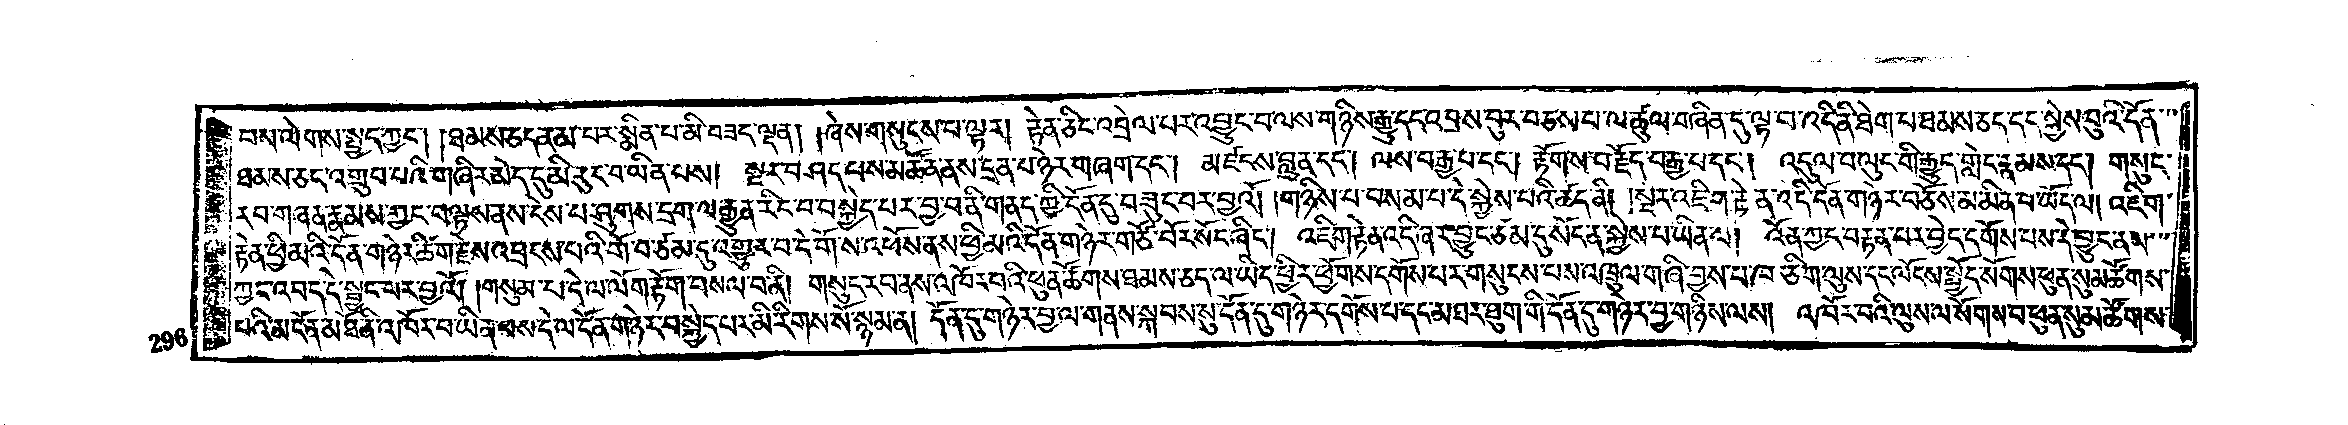བས་ལེགས་སྤྱད་ཀྱང་། །ཐམས་ཅད་རྣམ་པར་སྨིན་པ་མི་བཟད་ལྡན། །ཞེས་གསུངས་པ་ལྟར། རྟེན་ཅིང་འབྲེལ་པར་འབྱུང་བ་ལས་གཉིས་རྒྱུ་དང་འབྲས་བུར་བཅས་པ་ལ་ཚུལ་བཞིན་དུ་ལྟ་བ་འདི་ནི་ཐེག་པ་ཐམས་ཅད་དང་སྐྱེས་བུའི་དོན་
ཐམས་ཅད་འགྲུབ་པའི་གཞིར་མེད་དུ་མི་རུང་བ་ཡིན་པས། སྔར་བཤད་པས་མཚོན་ནས་དྲན་པ་ཉེར་གཞག་དང་། མཛངས་བླུན་དང་། ལས་བརྒྱ་པ་དང་། རྟོགས་བརྗོད་བརྒྱ་པ་དང་། འདུལ་བ་ལུང་གི་རྒྱུད་གླེང་རྣམས་དང་། གསུང་
རབ་གཞན་རྣམས་ཀྱང་བལྟས་ནས་ངེས་པ་ཤུགས་དྲག་ལ་རྒྱུན་རིང་བ་བསྐྱེད་པར་བྱ་བ་ནི་གནད་ཀྱི་དོན་དུ་གཟུང་བར་བྱའོ། །གཉིས་པ་བསམ་པ་དེ་སྐྱེས་པའི་ཚད་ནི། སྔར་འཇིག་རྟེན་འདི་དོན་གཉེར་བཅོས་མ་མིན་པ་ཡོད་ལ། འཇིག་
རྟེན་ཕྱི་མའི་དོན་གཉེར་ཚིག་རྗེས་འབྲངས་པའི་གོ་བ་ཙམ་དུ་འགྱུར་བ་དེ་གོ་ས་འཕོས་ནས་ཕྱི་མའི་དོན་གཉེར་གཙོ་བོར་སོང་ཞིང་། འཇིག་རྟེན་འདི་ཞར་བྱུང་ཙམ་དུ་སོང་ན་སྐྱེས་པ་ཡིན་ལ། འོན་ཀྱང་བརྟན་པར་བྱེད་དགོས་པས་དེ་བྱུང་ནས་
ཀྱང་འབད་དེ་སྦྱང་བར་བྱའོ། །གསུམ་པ་དེ་ལ་ལོག་རྟོག་བསལ་བ་ནི། གསུང་རབ་ནས་འཁོར་བའི་ཕུན་ཚོགས་ཐམས་ཅད་ལ་ཡིད་ཕྱིར་ཕྱོགས་དགོས་པར་གསུངས་པས་འཁྲུལ་གཞི་བྱས་པ་ཁ་ཅིག་ལུས་དང་ལོངས་སྤྱོད་སོགས་ཕུན་སུམ་ཚོགས་
པའི་མངོན་མཐོ་ནི་འཁོར་བ་ཡིན་པས་དེ་ལ་དོན་གཉེར་བསྐྱེད་པར་མི་རིགས་སོ་སྙམ་ན། དོན་དུ་གཉེར་བྱ་ལ་གནས་སྐབས་སུ་དོན་དུ་གཉེར་དགོས་པ་དང་མཐར་ཐུག་གི་དོན་དུ་གཉེར་བྱ་གཉིས་ལས། འཁོར་བའི་ལུས་ལ་སོགས་པ་ཕུན་སུམ་ཚོགས་